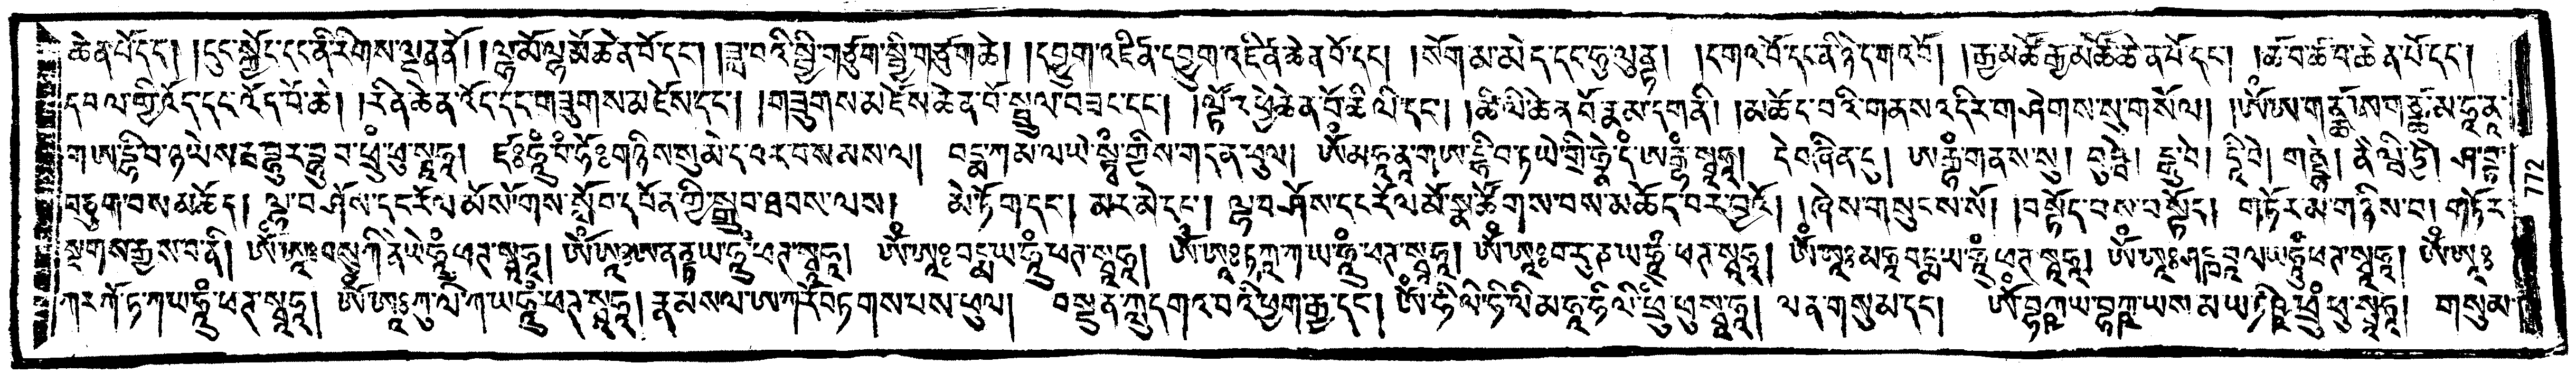ཆེན་བོ་དང་། །དུང་སྐྱོང་དང་ནི་རིགས་ལྡན་ནོ། །ལྷ་མོ་ལྷ་མོ་ཆེན་བོ་དང་། །ཟླ་བའི་སྒྱི་གཙུག་སྦྱི་གཙུག་ཆེ། །དབྱུག་འཛིན་དབྱུག་འཛིན་ཆེན་བོ་དང་། །སོག་མ་མེད་དང་ཧུ་ལུནྟ། །དགའ་བོ་དང་ནི་ཉེ་དགའ་བོ། །རྒྱ་མཚོ་རྒྱ་མཚོ་ཆེན་བོ་དང་། །ཚ་བ་ཚ་བ་ཆེན་པོ་དང་། །
དབལ་གྱི་འོད་དང་འོད་པོ་ཆེ། །རིན་ཆེན་འོད་དང་གཟུགས་མཛེས་དང་། །གཟུགས་མཛེས་ཆེན་བོ་སྦྲུལ་བཟང་དང་། །ལྟོ་འཕྱེ་ཆེན་བོ་ཆི་ལི་དང་། །ཆི་ལི་ཆེན་བོ་རྣམ་དག་ནི། །མཆོད་བའི་གནས་འདིར་གཤེགས་སུ་གསོལ། །ཨོཾ་ཨ་ག་ཙྪ་ཨ་ག་ཙྪ་མ་ཧཱ་ནཱ་
ག་ཨ་དྷི་བ་ཏ་ཡེས་རྦ་བྷུར་བྷུ་བ་ཕྲུཾ་ཕུ་སྭཱ་ཧཱ། ཛཿ ཧཱུཾ་བཾ་ཧོཿ གཉིས་སུ་མེ་བར་བསམས་ལ། བདམ་ཀ་མ་ལ་ཡེ་སྟྭཾ་གྱིས་གདན་ཕུལ། ཨོཾ་མ་ཧཱ་མཱ་ག་ཨ་དྷི་བ་ཏ་ཡེ་གྲི་དཾ་ཨརྷཾ་སྭཱ་ཧཱ། དེ་བཞིན་དུ། ཨརྒྷཾ་གནས་སུ། བུཥེ། དྷུ་བེ། དཱི་བེ། གནྡྷེ། ནཻ་ཝི་ཏྱཻ། ཤ་བྷ་
བཅུག་བས་མཆོད། ལྷ་བཤོས་དང་རོལ་མོ་སོགས་སློབ་དབོན་གྱི་སྒྲུབ་ཐབས་ལས། མེ་ཏོག་དང་། མར་མེ་དང་། ལྷ་བཤོས་དང་རོལ་མོ་སྣ་ཚོགས་བས་མཆོད་བར་བྱའོ། །ཞེས་གསུངས་སོ། །བསྟོད་བས་བསྟོད། གཏོར་མ་གཉིས་བ། གཏོར་
སྔགས་རྒྱས་བ་ནི། ཨོཾ་ཨཱ་བསུ་ཀི་ནེ་ཡེ་ཧཱུཾ་ཕཊ་སྭཱ་ཧཱ། ཨོཾ་ཨཱཿ ཨ་ནནྟ་ཡ་ཧཱུཾ་ཕཊ་སྭཱ་ཧཱ། ཨོཾ་ཨཱཿ བདམ་ཡ་ཧཱུཾ་ཕཊ་སྭཱ་ཧཱ། ཨོཾ་ཨཱཿ ཏཀྵ་ཀ་ཡ་ཧཱུཾ་ཕཊ་སྭཱ་ཧཱ། ཨོཾ་ཨཱཿ བ་རུ་ཎ་ཡ་ཧཱུཾ་ཕཊ་སྭཱ་ཧཱ། ཨོཾ་ཨཱཿ མཧཱ་བདམ་ཡ་ཧཱུཾ་ཕཊ་ཀྭཱ་ཧཱ། ཨོཾ་ཨཱཿ ཤ་པཱ་ལ་ཡ་ཧཱུཾ་ཕཊ་སྭཱ་ཧཱ། ཨོཾ་ཨཱཿ
ཀར་ཀོ་ཏ་ཀ་ཡ་ཧཱུཾ་ཕཊ་སྭཱ་ཧཱ། ཨོཾ་ཨཱཿ ཀུ་ལི་ཀ་ཡ་ཧཱུཾ་ཕཊ་སྭཱ་ཧཱ། རྣམས་ལ་ཨ་ཀ་རོ་བཏགས་པས་ཕུལ། བསྡུན་ཀླུ་དགའ་བའི་ཕྱག་རྒྱ་དང་། ཨོཾ་ཧི་ལི་ཏི་ལི་མཧཱ་ཧི་ལི་ཕྲུ་པུ་སྭཱ་ཧཱ། ལན་གསུམ་དང་། ཨོཾ་བྷ་ཀྵ་ཡ་བྷ་ཀྵ་པས་མ་ཡ་ཤྲི?་ཕྲུཾ་ཕུ་སྭཱ་ཧཱ། གསུམ་